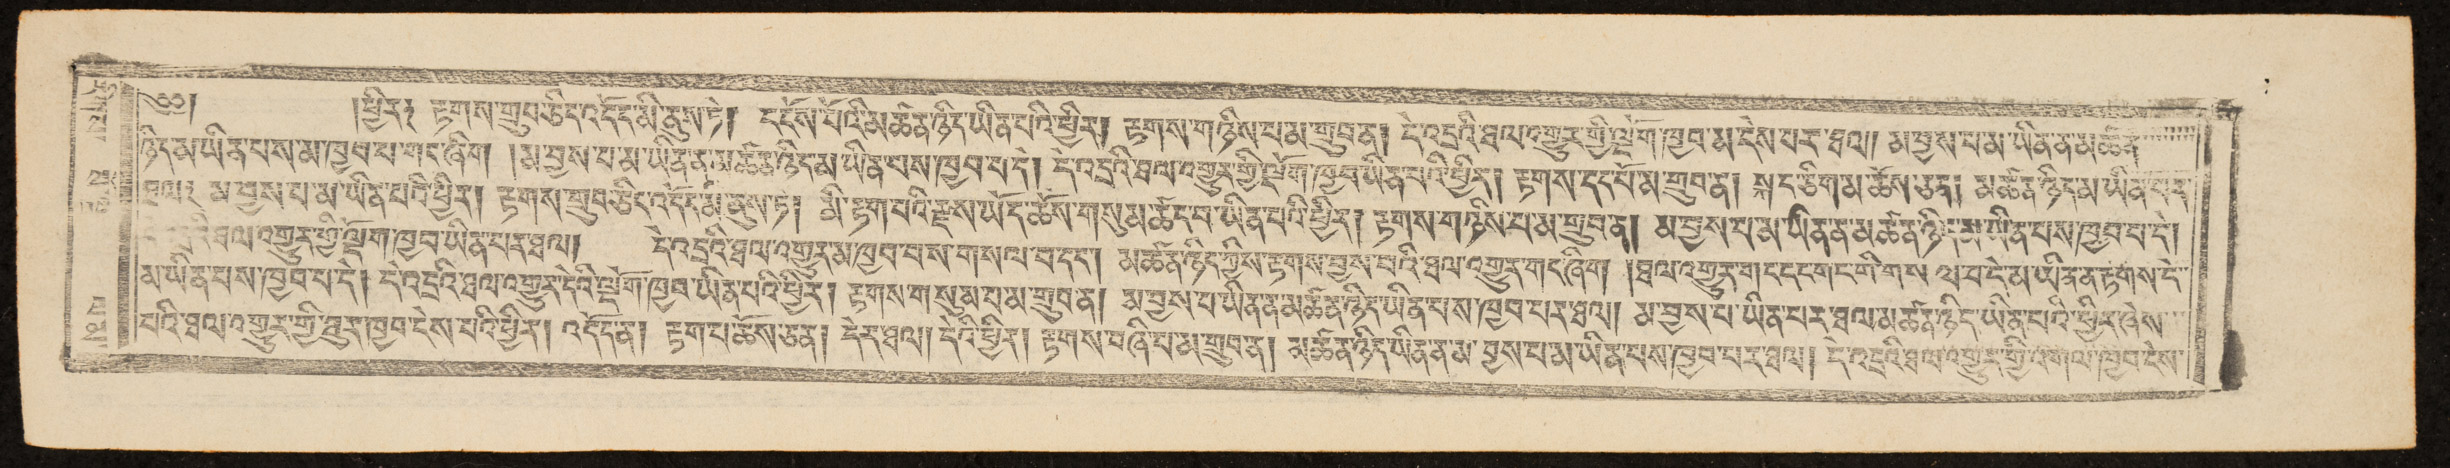༄༅། །ཕྱིར། རྟགས་གྲུབ་ཅིང་འདོད་མི་ནུས་ཏེ། དངོས་པོའི་མཚན་ཉིད་ཡིན་པའི་ཕྱིར། རྟགས་གཉིས་པ་མ་གྲུབ་ན། དེ་འདྲའི་ཐལ་འགྱུར་གྱི་ལྡོག་ཁྱབ་མ་ངེས་པར་ཐལ། མ་བྱས་པ་མ་ཡིན་ན་མཚན་
ཉིད་མ་ཡིན་པས་མ་ཁྱབ་པ་གང་ཞིག། །མ་བྱས་པ་མ་ཡིན་ན་མཚན་ཉིད་མ་ཡིན་པས་ཁྱབ་པ་དེ། དེ་འདྲའི་ཐལ་འགྱུར་གྱི་ལྡོག་ཁྱབ་ཡིན་པའི་ཕྱིར། རྟགས་དང་པོ་མ་གྲུབ་ན། སྐད་ཅིག་མ་ཆོས་ཅན། མཚན་ཉིད་མ་ཡིན་པར་
ཐལ། མ་བྱས་པ་མ་ཡིན་པའི་ཕྱིར། རྟགས་གྲུབ་ཅིང་འདོད་མི་ནུས་ཏེ། མི་རྟག་པའི་རྫས་ཡོད་ཆོས་གསུམ་ཚང་བ་ཡིན་པའི་ཕྱིར། རྟགས་གཉིས་པ་མ་གྲུབ་ན། མ་བྱས་པ་མ་ཡིན་ན་མཚན་ཉིད་མ་ཡིན་པས་ཁྱབ་པ་དེ།
དེ་འདྲའི་ཐལ་འགྱུར་གྱི་ལྡོག་ཁྱབ་ཡིན་པར་ཐལ། དེ་འདྲའི་ཐལ་འགྱུར་མ་བྱས་པས་གསལ་བ་དང་། མཚན་ཉིད་ཀྱིས་རྟགས་བྱས་པའི་ཐལ་འགྱུར་གང་ཞིག །ཐལ་འགྱུར་གང་དང་གང་གི་གསལ་བ་དེ་མ་ཡིན་ན་རྟགས་དེ་
མ་ཡིན་པས་ཁྱབ་པ་དེ། དེ་འདྲའི་ཐལ་འགྱུར་དེའི་ལྡོག་ཁྱབ་ཡིན་པའི་ཕྱིར། རྟགས་གསུམ་པ་མ་གྲུབ་ན། མ་བྱས་པ་ཡིན་ན་མཚན་ཉིད་ཡིན་པས་ཁྱབ་པར་ཐལ། མ་བྱས་པ་ཡིན་པར་ཐལ་མཚན་ཉིད་ཡིན་པའི་ཕྱིར་ཞེས་
པའི་ཐལ་འགྱུར་གྱི་ཐུར་ཁྱབ་ངེས་པའི་ཕྱིར། འདོད་ན། རྟག་པ་ཆོས་ཅན། དེར་ཐལ། དེའི་ཕྱིར། རྟགས་བཞི་བ་མ་གྲུབ་ན། མཚན་ཉིད་ཡིན་ན་མ་བྱས་པ་མ་ཡིན་པས་ཁྱབ་པར་ཐལ། དེ་འདྲའི་ཐལ་འགྱུར་གྱི་འགལ་ཁྱབ་ངེས་